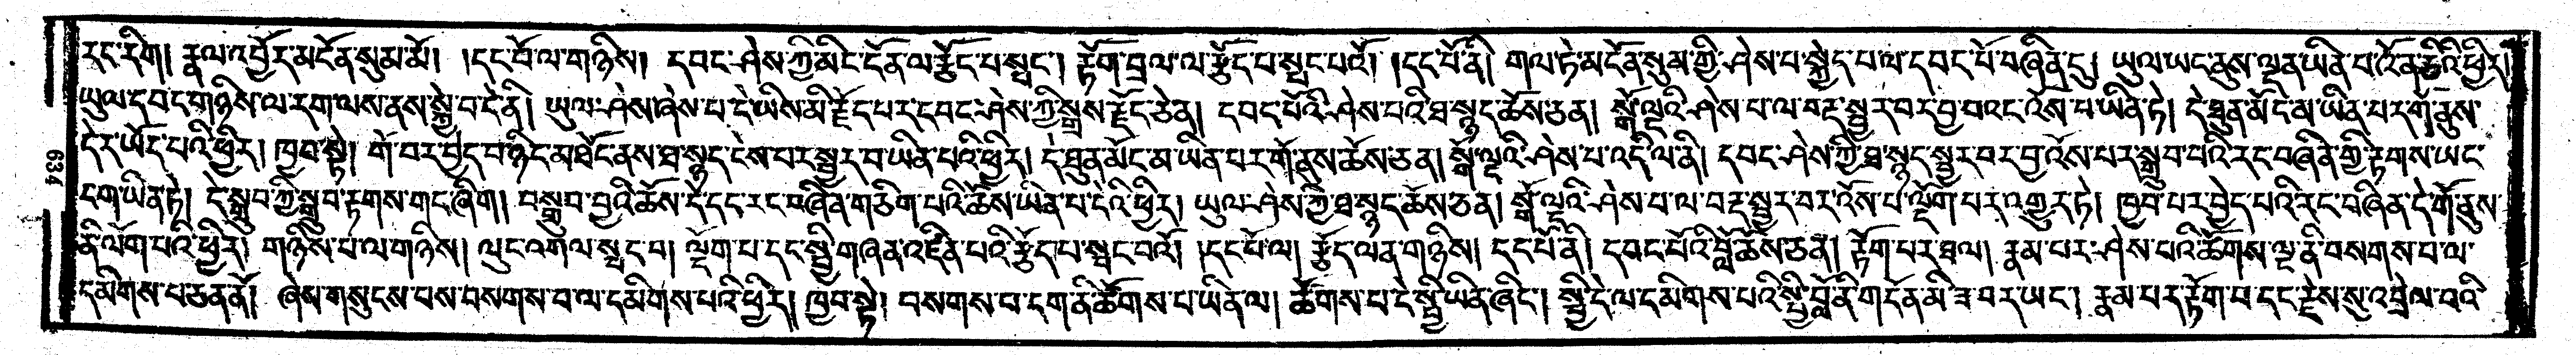རང་རིག། རྣལ་འབྱོར་མངོན་སུམ་མོ། །དང་པོ་ལ་གཉིས། དབང་ཤེས་ཀྱི་མིང་དོན་ལ་རྩོད་པ་སྤང་། རྟོག་བྲལ་ལ་རྩོད་པ་སྤང་བའོ། །དང་པོ་ནི། གལ་ཏེ་མངོན་སུམ་གྱི་ཤེས་པ་སྐྱེད་པ་ལ་དབང་པོ་བཞིན་དུ། ཡུལ་ཡང་ནུས་ལྡན་ཡིན་པའོ་ན་ཅིའི་ཕྱིར།
ཡུལ་དབང་གཉིས་ལ་རག་ལས་ནས་སྐྱེ་བ་དེ་ནི། ཡུལ་ཤེས་ཞེས་པ་དེ་ཡིས་མི་རྗོད་པར་དབང་ཤེས་ཀྱི་སྒྲས་རྗོད་ཅེ་ན། དབང་པོའི་ཤེས་པའི་ཐ་སྙད་ཆོས་ཅན། སྒོ་ལྔའི་ཤེས་པ་ལ་བརྡ་སྦྱར་བར་བྱ་བའང་འོས་པ་ཡིན་ཏེ། དེ་ཐུན་མོང་མ་ཡིན་པར་གོ་ནུས་
དེར་ཡོད་པའི་ཕྱིར། ཁྱབ་སྟེ། གོ་བར་བྱེད་པ་ཉིད་མཐོང་ནས་ཐ་སྙད་ངེས་པར་སྦྱར་བ་ཡིན་པའི་ཕྱིར། དེ་ཐུན་མོང་མ་ཡིན་པར་གོ་ནུས་ཆོས་ཅན། སྒོ་ལྔའི་ཤེས་པ་འདི་ལ་ནི། དབང་ཤེས་ཀྱི་ཐ་སྙད་སྦྱར་བར་བྱ་འོས་པར་སྒྲུབ་པའི་རང་བཞིན་གྱི་རྟགས་ཡང་
ངག་ཡིན་ཏེ། དེ་སྒྲུབ་ཀྱི་སྒྲུབ་རྟགས་གང་ཞིག། བསྒྲུབ་བྱའི་ཆོས་དེ་དང་རང་བཞིན་གཅིག་པའི་ཆོས་ཡིན་པ་དེའི་ཕྱིར། ཡུལ་ཤེས་ཀྱི་ཐ་སྙད་ཆོས་ཅན། སྒོ་ལྔའི་ཤེས་པ་ལ་བརྡ་སྦྱར་བར་འོས་པ་ལྡོག་པར་འགྱུར་ཏེ། ཁྱབ་པར་བྱེད་པའི་རང་བཞིན་དེ་གོ་ནུས་
ནི་ལོག་པའི་ཕྱིར། གཉིས་པ་ལ་གཉིས། ལུང་འགལ་སྤང་བ། ལྡོག་པ་དང་སྤྱི་གཞན་འཛིན་པའི་རྩོད་པ་སྤང་བའོ། །དང་པོ་ལ། རྩོད་ལན་གཉིས། དང་པོ་ནི། དབང་པོའི་བློ་ཆོས་ཅན། རྟོག་པར་ཐལ། རྣམ་པར་ཤེས་པའི་ཚོགས་ལྔ་ནི་བསགས་པ་ལ་
དམིགས་པ་ཅན་ནོ། ཞེས་གསུངས་པས་བསགས་པ་ལ་དམིགས་པའི་ཕྱིར། ཁྱབ་སྟེ། བསགས་པ་དག་ནི་ཚོགས་པ་ཡིན་ལ། ཚོགས་པ་དེ་སྤྱི་ཡིན་ཞིང་། སྤྱི་དེ་ལ་དམིགས་པའི་སྤྱི་བློ་ནི་གདོན་མི་ཟ་བར་ཡང་། རྣམ་པར་རྟོག་པ་དང་རྗེས་སུ་འབྲེལ་བའི་